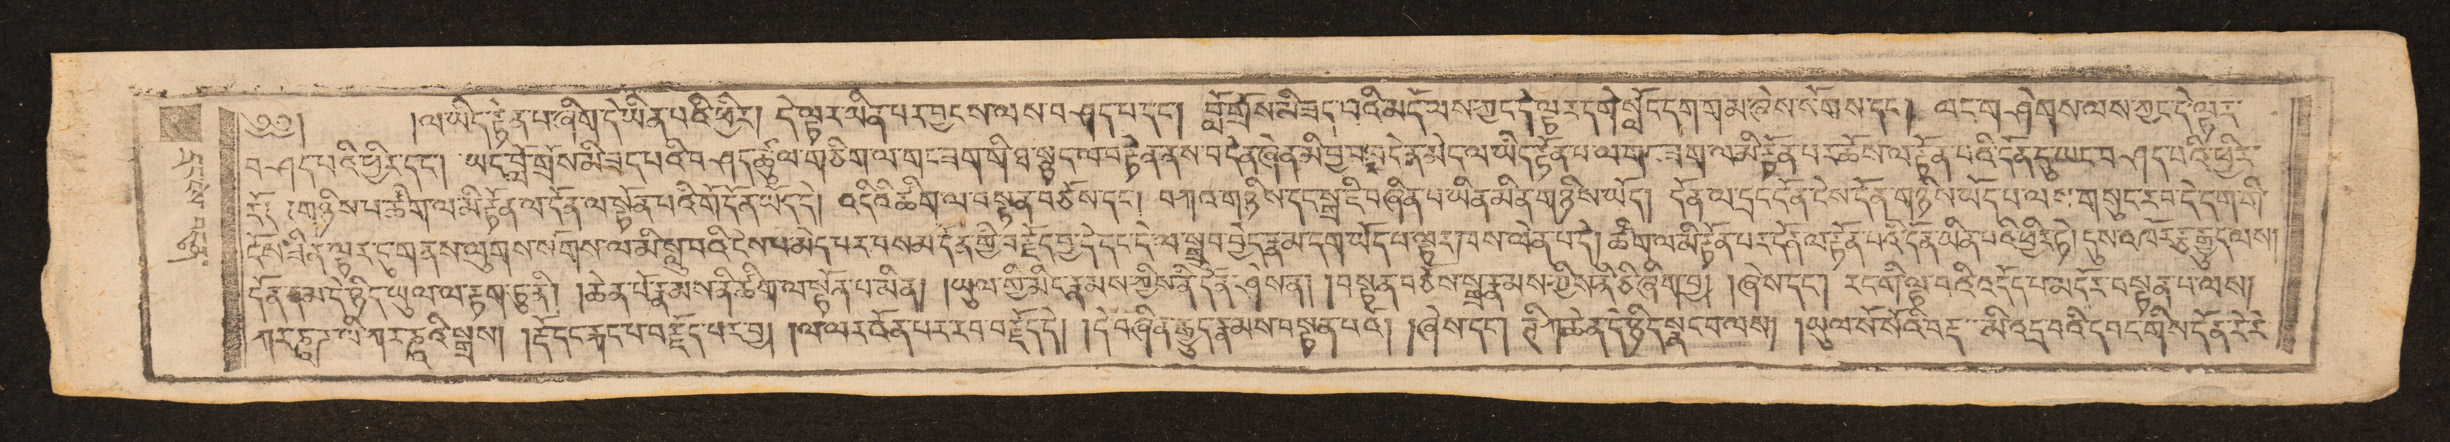༄༅། །ལ་ཡིད་རྟེན་པ་ཞིག་དེ་ཡིན་པའི་ཕྱིར། དེ་ལྟར་ཡིན་པར་བྱང་ས་ལས་བཤད་པ་དང་། བློ་གྲོས་མི་ཟད་པའི་མདོ་ལས་ཀྱང་དེ་ལྟར་དགེ་སློང་དག་གམ་ཞེས་སོགས་དང་། ལང་གཤེགས་ལས་ཀྱང་དེ་ལྟར་
བཤད་པའི་ཕྱིར་དང་། ཡང་བློ་གྲོས་མི་ཟད་པའི་བཤད་ཚུལ་གཅིག་ལ་གང་ཟག་གི་ཐ་སྙད་ལ་བརྟེན་ནས་བདེན་ཞེན་མི་བྱ་བར་བདེན་མེད་ལ་ཡིད་རྟོན་པ་ལ་གང་ཟག་ལ་མི་རྟོན་པར་ཆོས་ལ་རྟོན་པའི་དོན་དུ་ཡང་བཤད་པའི་ཕྱིར་
རོ༑ ༑གཉིས་པ་ཚིག་ལ་མི་རྟོན་ལ་དོན་ལ་སྟོན་པའི་གོ་དོན་ཡོད་དེ། འདིའི་ཚིག་ལ་བསྟན་བཅོས་དང་། བཀའ་གཉིས་དང་སྒྲ་ཇི་བཞིན་པ་ཡིན་མིན་གཉིས་ཡོད། དོན་ལ་དྲང་དོན་ངེས་དོན་གཉིས་ཡོད་པ་ལས་གསུང་རབ་དེ་དག་གི་
ངོས་ཟིན་ལྟར་དུ་གནས་ལུགས་སོགས་ལ་མི་སླུ་བའི་ངེས་པ་མེད་པར་བསམ་དོན་གྱི་བརྗོད་བྱ་དེ་དང་དེ་ལ་སྒྲུབ་བྱེད་རྣམ་དག་ཡོད་པ་ལྟར་ཁས་ལེན་པ་དེ། ཚིག་ལ་མི་རྟོན་པར་དོན་ལ་རྟོན་པའི་དོན་ཡིན་པའི་ཕྱིར་ཏེ། དུས་འཁོར་རྩ་རྒྱུད་ལས།
དོན་དམ་དེ་ཉིད་ཡུལ་ལ་རྟག་ཏུ་ནི། །ཆེན་པོ་རྣམས་ནི་ཚིག་ལ་སྟོན་པ་མིན། །ཡུལ་གྱི་མིང་རྣམས་ཀྱིས་ནི་དོན་ཤེས་ན། །བསྟན་བཅོས་སྒྲ་རྣམས་ཀྱིས་ནི་ཅི་ཞིག་བྱ། །ཞེས་དང་། རང་གི་ལྟ་བའི་འདོད་པ་མདོར་བསྟན་པ་ལས།
ཀར་ཎཱ་ཌ་ཡི་ཀར་ཎཱའི་སྒྲས། །རྡོ་དང་རྐང་བ་བརྗོད་པར་བྱ། །ལ་ལར་འོན་པར་རབ་བརྗོད་དེ། །དེ་བཞིན་རྒྱུད་རྣམས་བསྟན་པའོ། །ཞེས་དང་། ཊིཀ་ཆེན་དེ་ཉིད་སྣང་བ་ལས། །ཡུལ་སོ་སོའི་བརྡའ་མི་འདྲ་བའི་དབང་གིས་དོན་རེ་རེ་